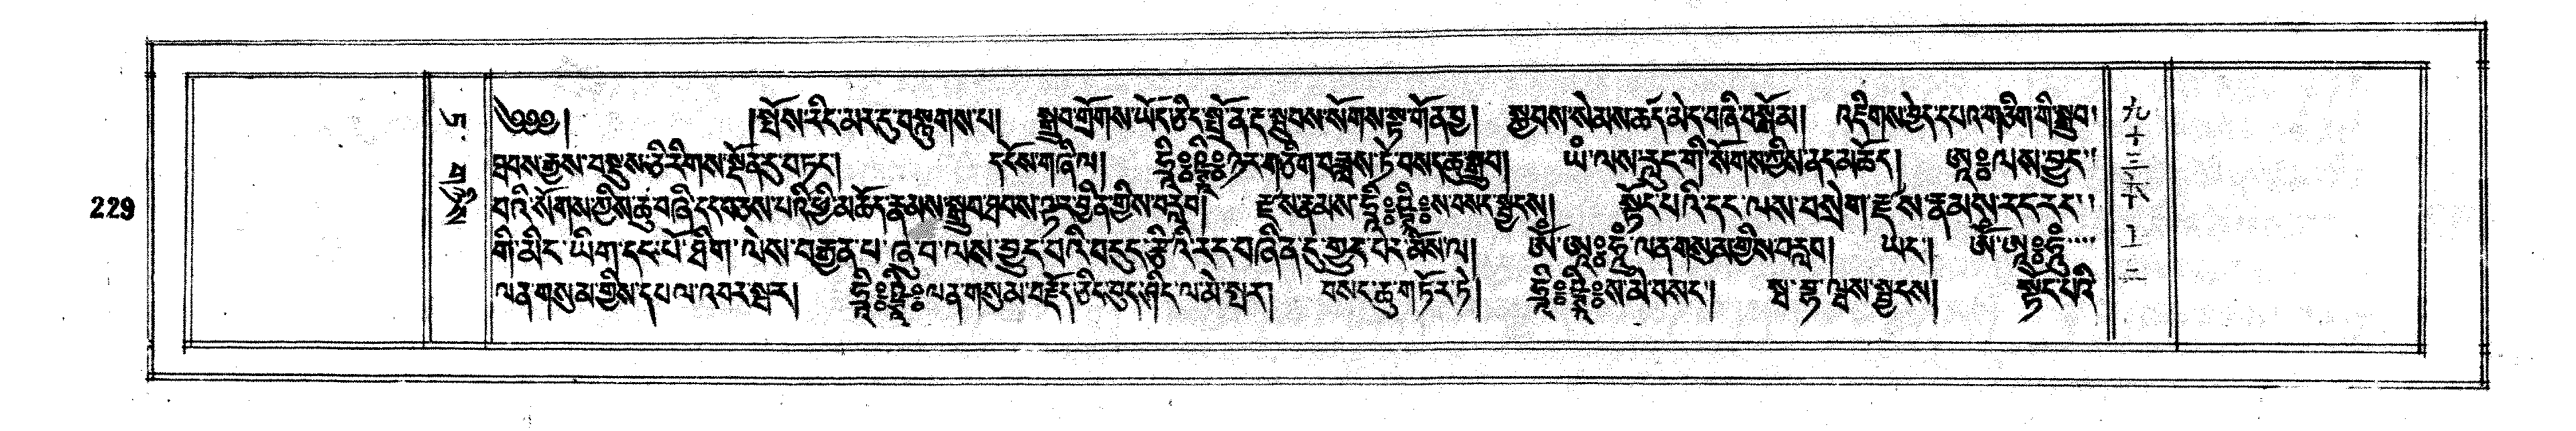༄༅༅། །སྤོས་རིང་མར་དུ་བསྙུགས་པ། སྒྲུབ་གྲོགས་ཡོང་ཅིང་སྤྲོ་ན་རྡ་སྦུབས་སོགས་སྟ་གོན་བྱ། སྐྱབས་སེམས་ཚད་མེད་བཞི་བསྒོམ། འཇིགས་བྱེད་དཔའ་གཅིག་གི་སྒྲུབ།
ཐབས་རྒྱས་བསྡུས་ཅི་རིགས་སྔོན་དུ་བཏང་། དངོས་གཞི་ལ། ཧྲཱིཿ་ཥྚཱིཿ་ཉེར་གཅིག་བཟླས་ཏེ་བསད་ཆུ་སྒྲུབ། ཡཾ་ལས་རླུང་གི་སོགས་ཀྱིས་ནང་མཆོད། ཨཱཿ་ལས་བྱུང་
བའི་སོགས་ཀྱིས་ཆུ་བཞི་དང་བཅས་པའི་ཕྱི་མཆོད་རྣམས་སྒྲུབ་ཐབས་ལྟར་བྱིན་གྱིས་བརླབ། རྫས་རྣམས་ཧྲཱིཿ་ཥྚཱིཿ་ས་བསང་སྦྱངས། སྟོང་པའི་དང་ལས་བསྲེག་རྫས་རྣམས་རང་རང་
གི་མིང་ཡིག་དང་པོ་ཐིག་ལེས་བརྒྱན་པ་ཞུ་བ་ལས་བྱུང་བའི་བདུད་རྩིའི་རང་བཞིན་དུ་གྱུར་པར་མོས་ལ། ཨོཾ་ཨཱཿ་ཧཱུཾ་ལན་གསུམ་གྱིས་བརླབ། ཡང་། ཨོཾ་ཨཱཿ་ཧཱུཾ་
ལན་གསུམ་གྱིས་དཔལ་འབར་སྦར། ཧྲཱིཿ་ཥྚཱིཿ་ལན་གསུམ་བརྗོད་ཅིང་བུད་ཤིང་ལ་མེ་སྤར། བསང་ཆུ་གཏོར་ཏེ། ཧྲཱིཿ་ཥྚཱིཿ་ས་མེ་བསང་། སྦ་བྷ་ལྦས་སྦྱངས། སྟོང་པའི་